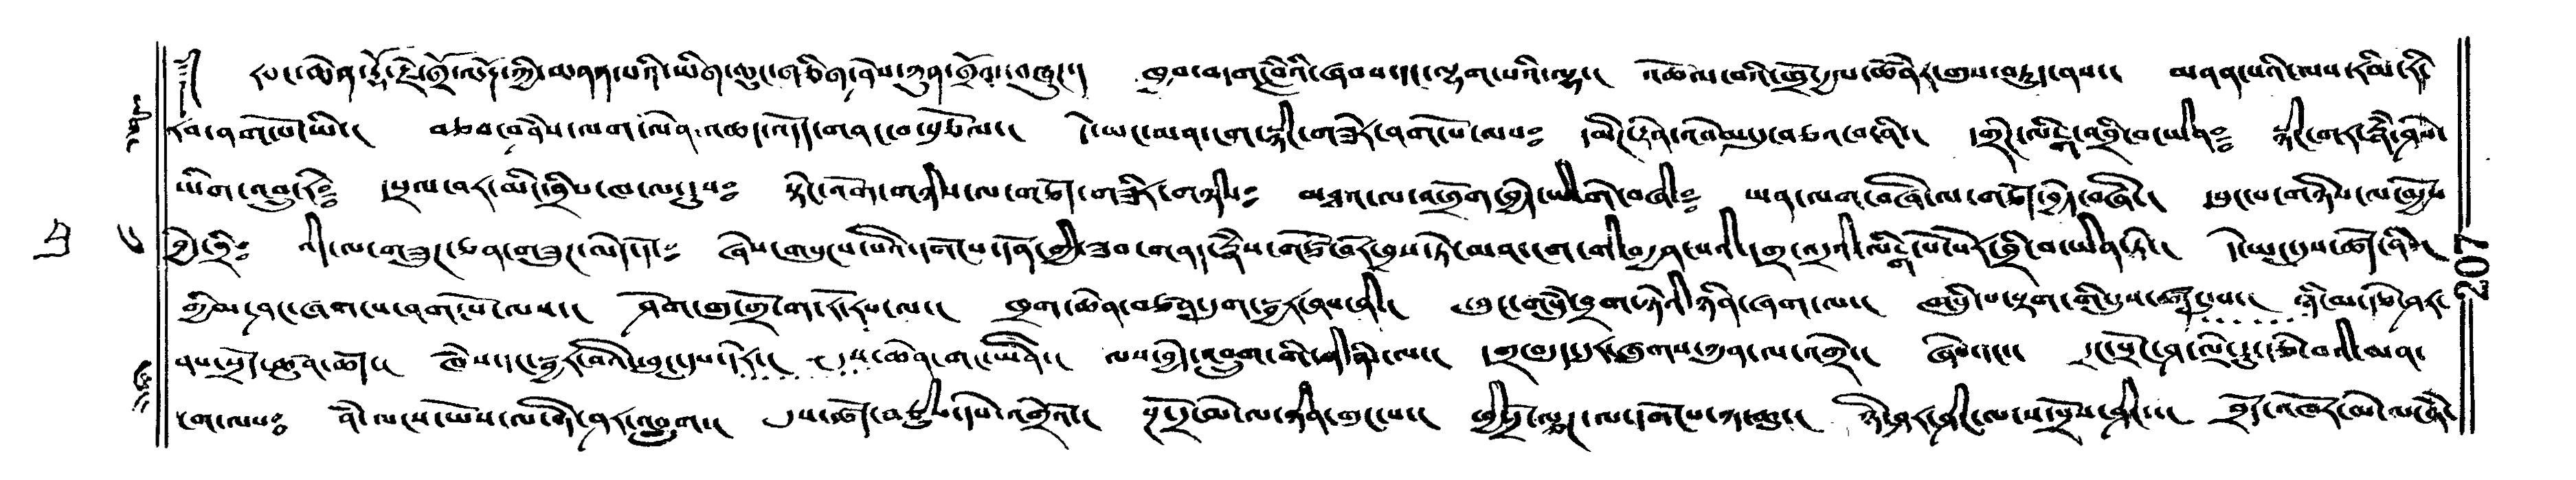༄༅། དབང་ཆེན་རྡོ་རྗེ་གྲོ་ལོད་ཀྱི་མནན་པའི་ཡིག་ཆུང་གཅིག་ཤེས་ཀུན་གྲོལ་བཞུགས། ཁྱབ་བདག་བླ་མའི་ཞབས་དང་ལྷག་པའི་ལྷ། །འཆོལ་བའི་ཁྲོ་རྒྱལ་ཆེན་པོར་གུས་བཏུད་ནས། །མནན་པའི་ལས་རིམ་རི་
རབ་ནག་པོ་ཡི། །བཅས་བཤམས་ལག་ལེན་འཆད་འདོད་གནང་བ་རྩོལ། དེ་ཡང་མན་ངག་སྙིང་གཟེར་ནག་པོ་ལས། དམིགས་རྟེན་འབེན་དུ་བཅའ་བ་ནི། །དགྲ་བགེགས་ལིངྒ་འབྲི་བ་ཡིན། །སྙིང་གར་རྣམ་ཤེས་
ཡིག་འབྲུ་རེ། །དཔྲལ་བར་མིང་བྲིས་ཁ་ལ་རུས། །སྟེང་འོག་གཉིས་ལ་གཅོད་གཟེར་གཉིས། །མཐའ་ལ་འཕྲོག་བྱེད་ཡི་གེ་བཞི། །ཡན་ལག་བཞི་ལ་གཅོད་བྱེད་བཞི། །དཔུང་པ་གཉིས་ལ་མྱོས་
བྱེད་བྲི། །འདི་ལ་གཟུགས་ཅན་གཟུགས་མེད་དོ། ཞེས་གསུངས་པའི་དགོངས་དོན་གྱི་ཟབ་གནད་རྣམས་གཙོ་བོར་བྲིས་ཏེ་མན་ངག་གི་བརྒྱན་པའི་དགྲ་འདྲིའི་ལིངྒ་སོ་སོར་བྲི་བ་ཡིན་ཏེ། དེ་ཡང་དུས་ཚོད་ནི། 
གྱིམ་ཤང་ཞག་པ་ནག་པོ་ལས། ཤོག་གུ་གྲོ་ག་རོ་རས་ལ། ཁྲག་ཆེན་གཙན་དུག་སྦྱར་ནས་ནི། །ཕུང་གསུམ་བྲ་ཉེའི་ཉིན་ཞག་ལ། །གསུམ་པ་སྟག་གི་དུས་ཚོད་དུས། །ཉི་མ་རྩེ་ཤར་
སྲོད་ཚུན་ཆོད། ཁམས་དང་སྦྱར་བའི་ཕུང་དུས་དེར། །ལས་བྱེད་འབྲུག་གི་ཉི་མ་ལ། །དགྲ་བདུད་དུར་ཞུགས་ཀུན་ལ་འགྲེ། ཞེས་དང་། དྲང་སྲོང་ཤ་ལྡེ་རུ་རྩེ་བའི་མན་
ངག་ལས། ནམ་ལངས་ཡོས་ལ་ཉི་ཤར་འབྲུག །དུས་ཚོད་བཅུ་གཉིས་དེས་འགྲེའོ། །སྔ་གྲོ་མེ་ལ་ཉིན་གུངས། །ཕྱི་དྲོ་ལྕགས་ལ་དགོངས་ཀ་ཆུ། །ཉི་ཤར་ཤིང་ལ་ས་སྲོས་ཤིང་། སྲོད་འཁོར་མེ་ལ་ནམ་